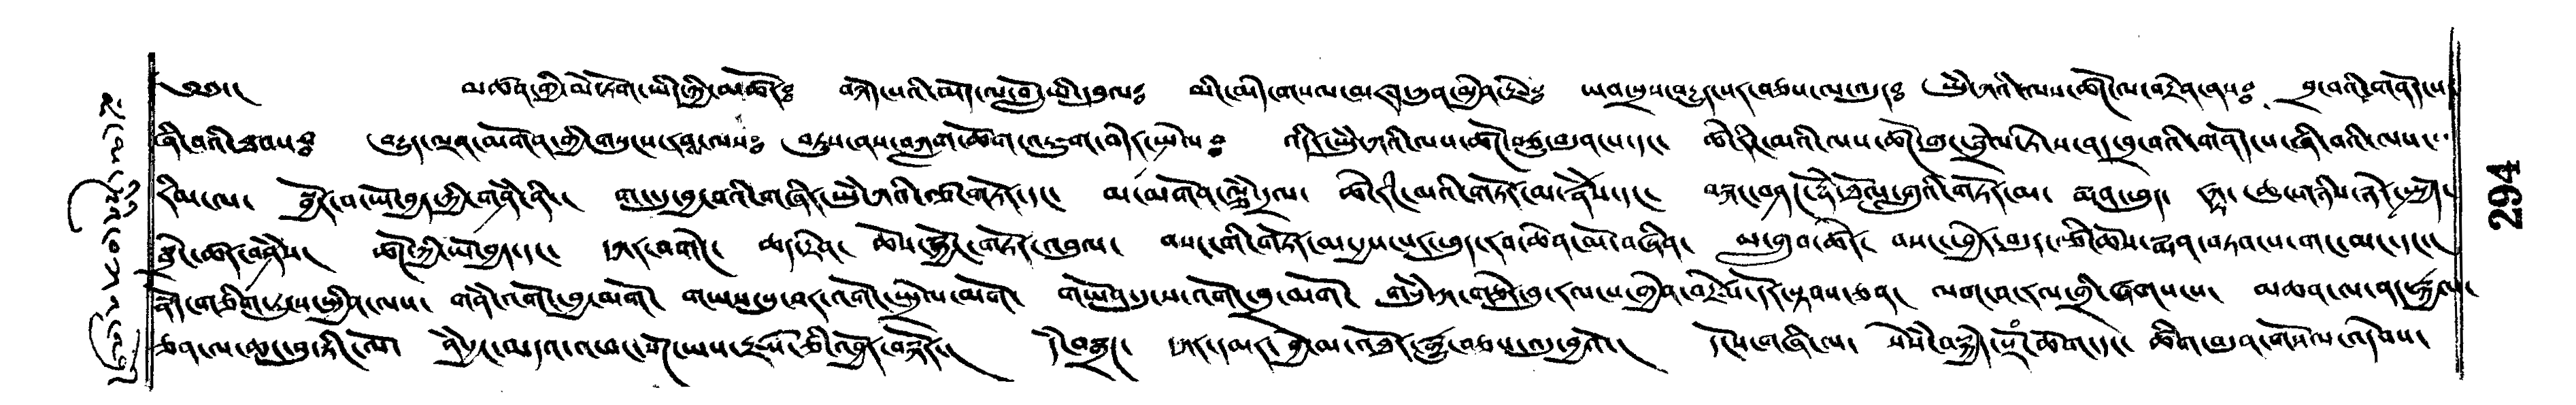༄༅། མཚན་གྱི་མེ་ཏོག་ཡིད་ཀྱི་མཚོར། །བཀོད་པའི་མོད་ལ་བློ་ཡི་དབུལ། །མིང་མེད་བསལ་མཛད་ཀུན་མཁྱེན་རྗེ། །ཡབ་སྲས་བརྒྱུད་པར་བཅས་ལ་འདུད། །ཡུམ་ཀའི་ལས་ཚོགས་ལ་བརྟེན་ནས། །བྲ་བའི་གནོད་པ་
ཞི་བའི་ཐབས། །བརྒྱུད་ལྡན་མགོན་གྱི་གསུང་རབ་ལས། །བཏུས་ནས་བཀླག་ཆོག་འཇུག་བདེར་སྤེལ། འདིར་ཡུམ་ཀའི་ལས་ཚོགས་བཅུ་བདུན་པ་དང་། ཚེ་རིང་མའི་ལས་ཚོགས་གུང་སྦྲེལ་ཏེ་ས་ནད་བྲ་བའི་གནོད་པ་ཞི་བའི་ལས་
རིམ་ལ། སྦྱོར་བ་ཡོ་བྱད་བཤམས་ཚུལ་ནི། གང་དུ་བྱ་བའི་གཞིར་ཡུམ་ཀའི་རྩ་གཏོར་དང་། མ་མགོན་ལྕམ་དྲལ། ཚེ་རིང་མའི་གཏོར་མ་རྣམས་དང་། སྐོང་བཤགས་རྡོ་རྗེ་ཐོལ་གླུའི་གཏོར་མ། སྨན་ཕུད། རཀྟ། ཆུ་གཉིས་ཉེར་སྤྱོད་
སྦྲེང་ཚར་བཤམ། ཚོགས་ཀྱི་ཡོ་བྱད་དང་། དཀར་བགེགས། ཆད་བརྟེན། ཆོས་སྐྱོང་གཏོར་འབུལ། བསང་གི་གཏོར་མ་རྒྱས་པར་ཕུད་རབ་ཆེན་མོ་བཞིན་མ་གྲུབ་ཚེ། བསང་ཕྱེར་བདུད་རྩི་ཆོས་སྨན་བཏབ་པ་གང་མང་དང་། 
སྣོད་གཅིག་ཏུ་ས་སྤྱིན་ལས། གནམ་འགོང་བྱ་མགོ གཡས་སུ་བར་འགོང་སྤྲེལ་མགོ གཡོན་དུ་ས་འགོང་བྲ་མགོ གསུམ་ཀ་གཅེར་བུ་རལ་པ་གྱེན་བརྫེས་དོར་སྟབས་ཅན། ལག་ན་རལ་གྲི་ཞགས་པ། མཆན་ལ་ནད་རྐྱལ་
ཅན་ལ་ཆང་བུ་ཏིང་ལོ། ནམ་རྒྱང་མདའ་འཕང་སོགས་ཡས་རྫས་ཅི་འབྱོར་བསྐོར། དམ་བསྒྲག དཀར་དམར་བྱེ་མ་འཐོར་རྒྱུ་བཅས་འདུ་བྱའོ། དངོས་གཞི་ལ། སེམས་བསྐྱེད་སྡོམ་ཆོག་དང་། ཚིག་བདུན་གསོལ་འདེབས།